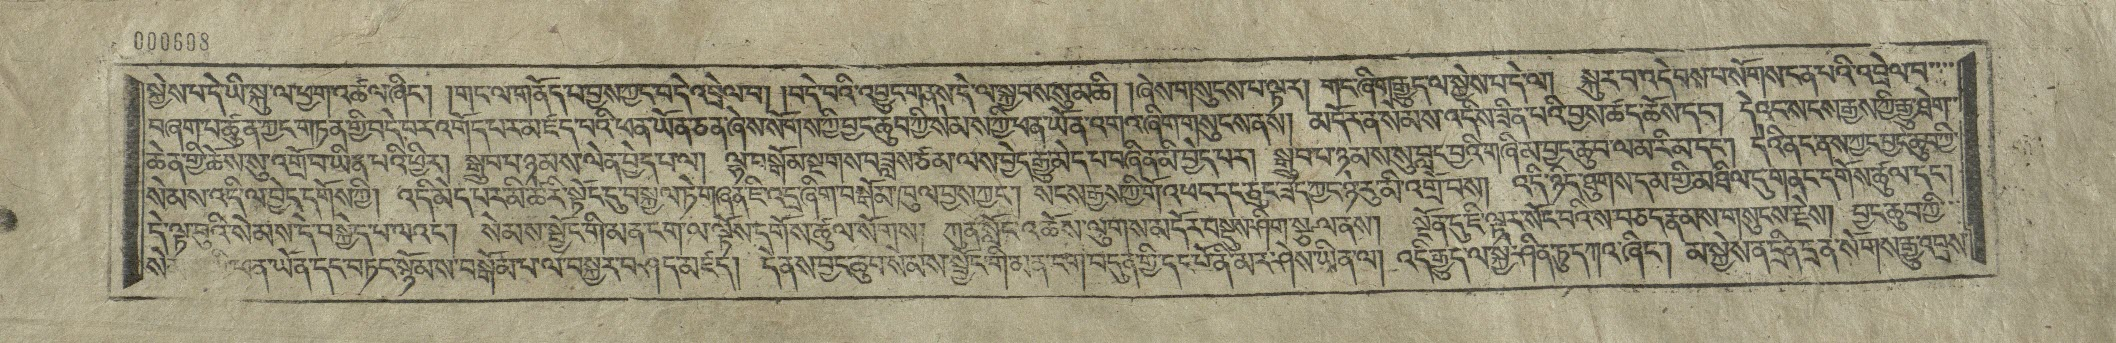སྐྱེས་པ་དེ་ཡི་སྐུ་ལ་ཕྱག་འཚལ་ཞིང་། །གང་ལ་གནོད་པ་བྱས་ཀྱང་བདེ་འབྲེལ་བ། །བདེ་བའི་འབྱུང་གནས་དེ་ལ་སྐྱབས་སུ་མཆི། །ཞེས་གསུངས་པ་ལྟར། གང་ཞིག་རྒྱུད་ལ་སྐྱེས་པ་དེ་ལ། སྐུར་བ་འདེབས་པ་སོགས་ངན་པའི་འབྲེལ་བ་
བཞག་པ་ཚུན་ཀྱང་གཏན་གྱི་བདེ་བར་འགོད་པར་མཛད་པའི་ཕན་ཡོན་ཅན་ཞེས་སོགས་ཀྱི་བྱང་ཆུབ་ཀྱི་སེམས་ཀྱི་ཕན་ཡོན་འགའ་ཞིག་གསུངས་ནས། མདོར་ན་སེམས་འདིས་ཟིན་པའི་བྱས་ཚད་ཆོས་དང་། དེའང་སངས་རྒྱས་ཀྱི་རྒྱུ་ཐེག་
ཆེན་གྱི་ཆོས་སུ་འགྲོ་བ་ཡིན་པའི་ཕྱིར། སྒྲུབ་པ་ཉམས་ལེན་བྱེད་པ་ལ། ལྷ་བསྒོམ་སྔགས་བཟླས་ཙམ་ལས་བྱེད་རྒྱུ་མེད་པ་བཞིན་མི་བྱེད་པར། སྒྲུབ་པ་ཉམས་སུ་བླང་བྱའི་གཞི་མ་བྱང་ཆུབ་ལམ་རིམ་དང་། དེའི་ནང་ནས་ཀྱང་བྱང་ཆུབ་ཀྱི་
སེམས་འདི་ལ་བྱེད་དགོས་ཀྱི། འདི་མེད་པར་མི་ཚེ་རི་སྟོང་དུ་བསྐྱལ་ཏེ་གཞན་ཇི་འདྲ་ཞིག་བསྒོམ་ཁུལ་བྱས་ཀྱང་། སངས་རྒྱས་ཀྱི་གོ་འཕང་དང་ཅུང་ཟད་ཀྱང་ཉེ་རུ་མི་འགྲོ་བས། འདི་ཉིད་ཐུགས་དམ་གྱི་མཐིལ་དུ་གནང་དགོས་ཚུལ་དང་།
དེ་ལྟ་བུའི་སེམས་དེ་བསྐྱེད་པ་ལའང་། སེམས་སྦྱོང་གི་མན་ངག་ལ་ལྟོས་དགོས་ཚུལ་སོགས། ཀུན་སློང་འཆོས་ལུགས་མདོར་བསྡུས་ཤིག་སྩལ་ནས། སྔོན་དུ་ཇི་ལྟར་སོང་བའི་ས་བཅད་རྣམས་གསུངས་རྗེས། བྱང་ཆུབ་ཀྱི་
སེམས་ཀྱི་ཕན་ཡོན་དང་བཏང་སྙོམས་བསྒོམ་པ་ལ་བསྐྱར་བཤད་མཛད། དེ་ནས་བྱང་ཆུབ་སེམས་སྦྱོང་གི་མན་ངག་བདུན་གྱི་དང་པོ་ནི་མར་ཤེས་ཡིན་ལ། འདི་རྒྱུད་ལ་སྐྱེ་ཤིན་ཏུ་དཀའ་ཞིང་། མ་སྐྱེས་ན་དྲིན་དྲན་སོགས་རྒྱུ་འབྲས་